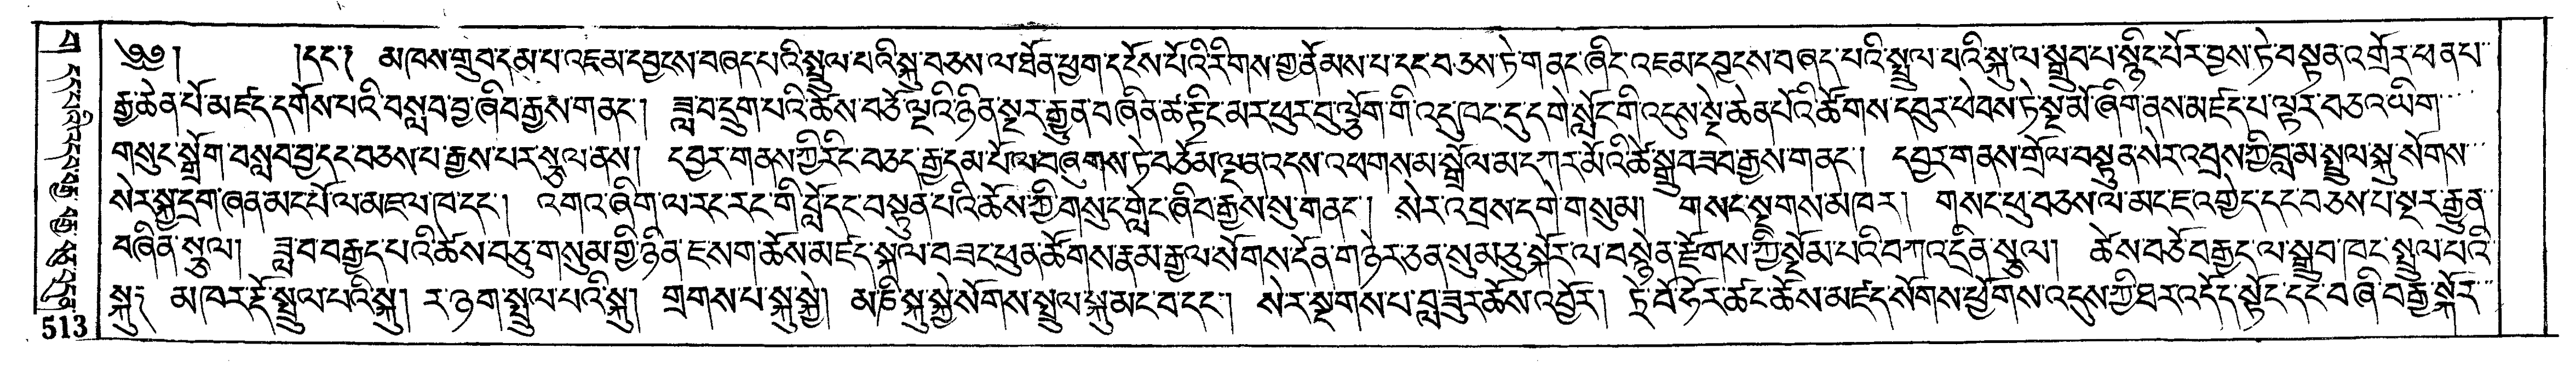༄༅། །དང་། མཁས་གྲུབ་དམ་པ་འཇམ་དབྱངས་བཞད་པའི་སྤྲུལ་པའི་སྐུ་བཅས་ལ་ཐོན་ཕྱག་དངོས་པོའི་རིགས་གྱ་ནོམས་པ་དང་བཅས་ཏེ་གནང་ཞིང་འཇམ་དབྱངས་བཞད་པའི་སྦྲུལ་བའི་སྐུ་ལ་སྒྲུབ་པ་སྙིང་པོར་བྱས་ཏེ་བསྟན་འགྲོར་ཕན་པ་
རྒྱ་ཆེན་པོ་མཛད་དགོས་བའི་བསླབ་བྱ་ཞི་བ་རྒྱས་གནང་། ཟླ་བ་དྲུག་པའི་ཆོས་བཅོ་ལྔའི་ཉིན་སྔར་རྒྱུན་བཞིན་ཚ་རྟིང་མར་ཕུར་བུ་ལྕོག་གི་འདུ་ཁང་དུ་དགེ་སློང་གི་འདུས་སྡེ་ཆེན་པོའི་ཚོགས་དབུར་ཕེབས་ཏེ་སྔ་མོ་ཞིག་ནས་མཛད་པ་ལྟར་བཅའ་ཡིག་
གསུང་སྒྲོག་བསླབ་བྱ་དང་བཅས་པ་རྒྱས་པར་སྩལ་ནས། དབྱར་གནས་ཀྱི་རིང་བཅད་རྒྱ་དམ་པོ་ལ་བཞུགས་ཏེ་བཅོམ་ལྡན་འདས་འཕགས་མ་སྒྲོལ་མ་དཀར་མོའི་ཚེ་སྒྲུབ་ཟབ་རྒྱས་གནང་། དབྱར་གནས་གྲོལ་བསྟུན་སེར་འབྲས་ཀྱི་བླ་མ་སྤྲུལ་སྐུ་སོགས་
སེར་སྐྱ་དྲག་ཞན་མང་པོ་ལ་མཇལ་ཁ་དང་། འགའ་ཞིག་ལ་རང་རང་གི་བློ་དང་བསྟུན་པའི་ཆོས་ཀྱི་གསུང་གླེང་ཞིས་རྒྱས་སུ་གནང་། སེར་འབྲས་དགེ་གསུམ། གསང་སྔགས་མཁར། གསང་ཕུ་བཅས་ལ་མང་ཇ་འགྱེད་དང་བཅས་པ་སྔར་རྒྱུན་
བཞིན་སྩལ། ཟླ་བ་བརྒྱད་པའི་ཚེས་བཅུ་གསུམ་གྱི་ཉིན་ཇ་སག་ཆོས་མཛད་སྐལ་བཟང་ཕུན་ཚོགས་རྣམ་རྒྱལ་སོགས་དོན་གཉེར་ཅན་སུམ་ཅུ་སྐོར་ལ་བསྙེན་རྫོགས་ཀྱི་སྡོམ་པའི་བཀའ་དྲིན་སྩལ། ཚེས་བཅོ་བརྒྱད་ལ་སྒྲུབ་ཁང་སྤྲུལ་པའི་
སྐུ༑ མཁར་རྡོ་སྤྲུལ་པའི་སྐུ། ར་ཉག་སྤྲུལ་པའི་སྐུ། གྲགས་པ་སྐུ་སྐྱེ། མ་ཎི་སྐུ་སྐྱེ་སོགས་སྤྲུལ་སྐུ་མང་བ་དང་། སེར་སྔགས་པ་བླ་ཟུར་ཆོས་འབྱོར། ཏྲེ་བོ་ཧོར་ཚང་ཆོས་མཛད་སོགས་ཕྱོགས་འདུས་ཀྱི་ཐར་འདོད་སྟོང་དང་བཞི་བརྒྱ་སྐོར་